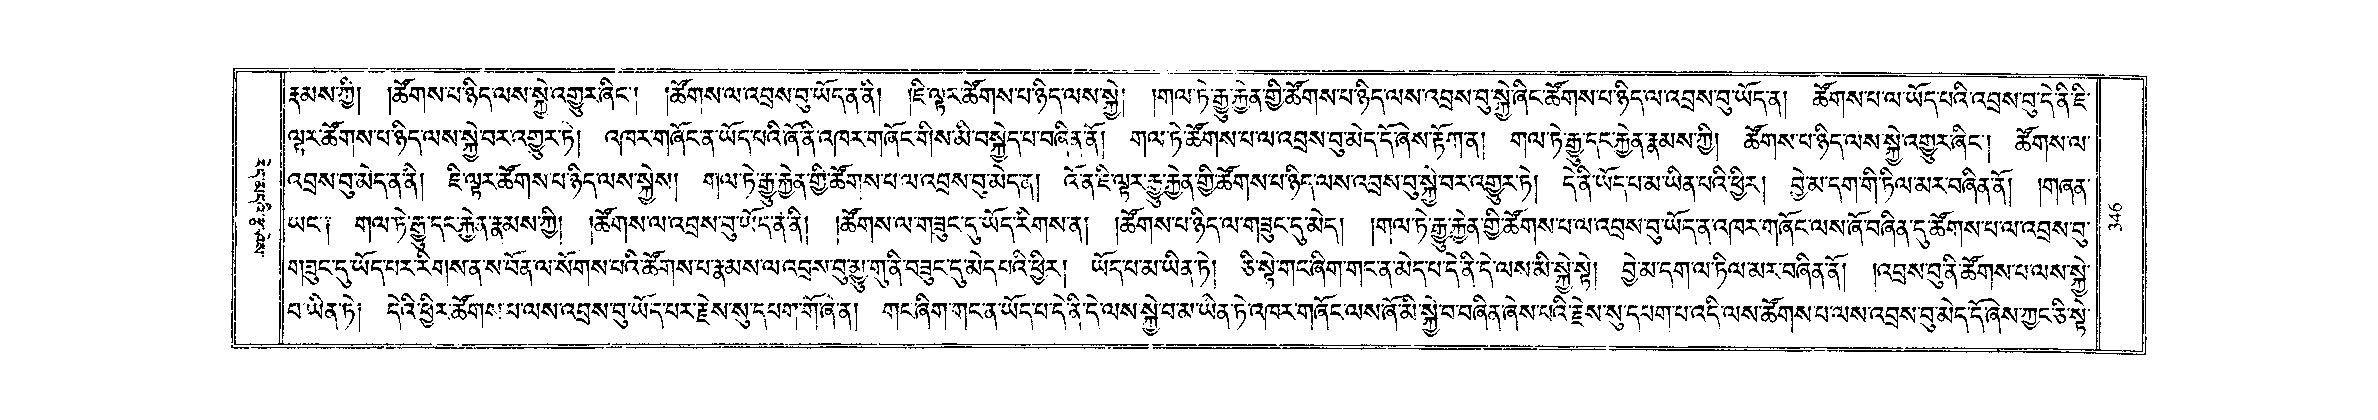རྣམས་ཀྱི། །ཚོགས་པ་ཉིད་ལས་སྐྱེ་འགྱུར་ཞིང་། །ཚོགས་ལ་འབྲས་བུ་ཡོད་ན་ནི། །ཇི་ལྟར་ཚོགས་པ་ཉིད་ལས་སྐྱེ། །གལ་ཏེ་རྒྱུ་རྐྱེན་གྱི་ཚོགས་པ་ཉིད་ལས་འབྲས་བུ་སྐྱེ་ཞིང་ཚོགས་པ་ཉིད་ལ་འབྲས་བུ་ཡོད་ན། ཚོགས་པ་ལ་ཡོད་པའི་འབྲས་བུ་དེ་ནི་ཇི་
ལྟར་ཚོགས་པ་ཉིད་ལས་སྐྱེ་བར་འགྱུར་ཏེ། འཁར་གཞོང་ན་ཡོད་པའི་ཞོ་ནི་འཁར་གཞོང་གིས་མི་བསྐྱེད་པ་བཞིན་ནོ། གལ་ཏེ་ཚོགས་པ་ལ་འབྲས་བུ་མེད་དོ་ཞེས་རྟོག་ན། གལ་ཏེ་རྒྱུ་དང་རྐྱེན་རྣམས་ཀྱི། ཚོགས་པ་ཉིད་ལས་སྐྱེ་འགྱུར་ཞིང་། ཚོགས་ལ་
འབྲས་བུ་མེད་ན་ནི། ཇི་ལྟར་ཚོགས་པ་ཉིད་ལས་སྐྱེས། གལ་ཏེ་རྒྱུ་རྐྱེན་གྱི་ཚོགས་པ་ལ་འབྲས་བུ་མེད་ན། འོ་ན་ཇི་ལྟར་རྒྱུ་རྐྱེན་གྱི་ཚོགས་པ་ཉིད་ལས་འབྲས་བུ་སྐྱེ་བར་འགྱུར་ཏེ། དེ་ནི་ཡོད་པ་མ་ཡིན་པའི་ཕྱིར། བྱེ་མ་དག་གི་ཏིལ་མར་བཞིན་ནོ། །གཞན་
ཡང༑ གལ་ཏེ་རྒྱུ་དང་རྐྱེན་རྣམས་ཀྱི། །ཚོགས་ལ་འབྲས་བུ་ཡོད་ན་ནི། །ཚོགས་ལ་གཟུང་དུ་ཡོད་རིགས་ན། །ཚོགས་པ་ཉིད་ལ་གཟུང་དུ་མེད། །གལ་ཏེ་རྒྱུ་རྐྱེན་གྱི་ཚོགས་པ་ལ་འབྲས་བུ་ཡོད་ན་འཁར་གཞོང་ལས་ཞོ་བཞིན་དུ་ཚོགས་པ་ལ་འབྲས་བུ་
གཟུང་དུ་ཡོད་པར་རིགས་ན་ས་བོན་ལ་སོགས་པའི་ཚོགས་པ་རྣམས་ལ་འབྲས་བུ་མྱུ་གུ་ནི་བཟུང་དུ་མེད་པའི་ཕྱིར། ཡོད་པ་མ་ཡིན་ཏེ། ཅི་སྟེ་གང་ཞིག་གང་ན་མེད་པ་དེ་ནི་དེ་ལས་མི་སྐྱེ་སྟེ། བྱེ་མ་དག་ལ་ཏིལ་མར་བཞིན་ནོ། །འབྲས་བུ་ནི་ཚོགས་པ་ལས་སྐྱེ་
བ་ཡིན་ཏེ། དེའི་ཕྱིར་ཚོགས་པ་ལས་འབྲས་བུ་ཡོད་པར་རྗེས་སུ་དཔག་གོ་ཞེ་ན། གང་ཞིག་གང་ན་ཡོད་པ་དེ་ནི་དེ་ལས་སྐྱེ་བ་མ་ཡིན་ཏེ་འཁར་གཞོང་ལས་ཞོ་མི་སྐྱེ་བ་བཞིན་ཞེས་པའི་རྗེས་སུ་དཔག་པ་འདི་ལས་ཚོགས་པ་ལས་འབྲས་བུ་མེད་དོ་ཞེས་ཀྱང་ཅི་སྟེ་